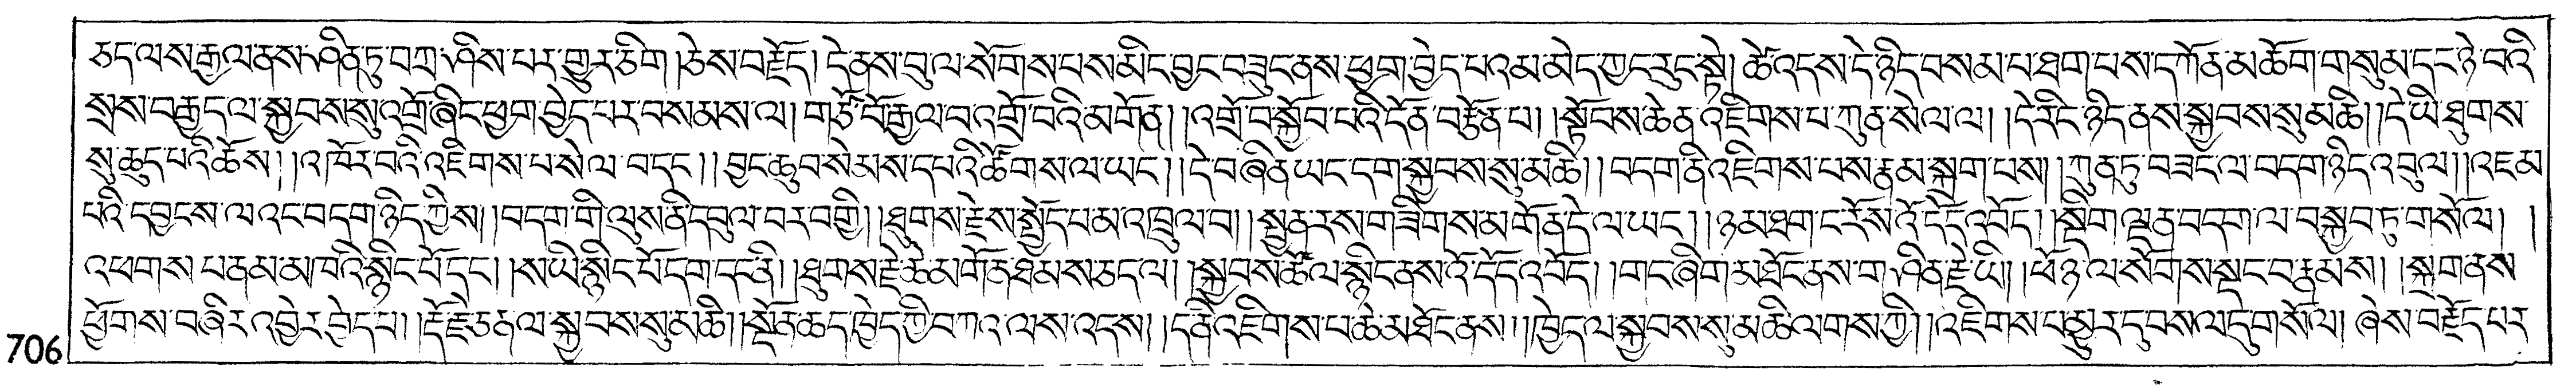ཅད་ལས་རྒྱལ་ནས་ཤིན་ཏུ་བཀྲ་ཤིས་པར་གྱུར་ཅིག །ཅེས་བརྗོད། དེ་ནས་བུ་ལ་སོགས་པས་མིང་བྱང་བཟུང་ནས་ཕྱག་བྱེད་པའམ་མེད་ཀྱང་རུང་སྟེ། ཚེ་འདས་དེ་ཉིད་བསམ་པ་ཐག་པས་དཀོན་མཆོག་གསུམ་དང་ཉེ་བའི་
སྲས་བརྒྱད་ལ་སྐྱབས་སུ་འགྲོ་ཞིང་ཕྱག་བྱེད་པར་བསམས་ལ། གཙོ་བོ་རྒྱལ་བ་འགྲོ་བའི་མགོན། །འགྲོ་བ་སྐྱོབ་པའི་དོན་བརྩོན་པ། །སྟོབས་ཆེན་འཇིགས་པ་ཀུན་སེལ་ལ། །དེ་རིང་ཉིད་ནས་སྐྱབས་སུ་མཆི། །དེ་ཡི་ཐུགས་
སུ་ཆུད་པའི་ཆོས། །འཁོར་བའི་འཇིགས་པ་སེལ་བ་དང་། །བྱང་ཆུབ་སེམས་དཔའི་ཚོགས་ལ་ཡང་། །དེ་བཞིན་ཡང་དག་སྐྱབས་སུ་མཆི། །བདག་ནི་འཇིགས་པས་རྣམ་སྐྲག་པས། །ཀུན་ཏུ་བཟང་ལ་བདག་ཉིད་འབུལ། །འཇམ་
པའི་དབྱངས་ལའང་བདག་ཉིད་ཀྱིས། །བདག་གི་ལུས་ནི་དབུལ་བར་བགྱི། །ཐུགས་རྗེས་སྤྱོད་པ་མ་འཁྲུལ་བ། །སྤྱན་རས་གཟིགས་མགོན་དེ་ལ་ཡང་། །ཉམ་ཐག་ང་རོས་འོ་དོད་འབོད། །སྡིག་ལྡན་བདག་ལ་བསྐྱབ་ཏུ་གསོལ། །
འཕགས་པ་ནམ་མཁའི་སྙིང་པོ་དང་། །ས་ཡི་སྙིང་པོ་དག་དང་ནི། །ཐུགས་རྗེ་ཆེ་མགོན་ཐམས་ཅད་ལ། །སྐྱབས་ཚོལ་སྙིང་ནས་འོ་དོད་འབོད། །གང་ཞིག་མཐོང་ནས་གཤིན་རྗེ་ཡི། །ཕོ་ཉ་ལ་སོགས་སྡང་བ་རྣམས། །སྐྲག་ནས་
ཕྱོགས་བཞིར་འབྱེར་བྱེད་པ། །རྡོ་རྗེ་ཅན་ལ་སྐྱབས་སུ་མཆི། །སྔོན་ཆད་ཁྱེད་ཀྱི་བཀའ་ལས་འདས། །ད་ནི་འཇིགས་པ་ཆེ་མཐོང་ནས། །ཁྱེད་ལ་སྐྱབས་སུ་མཆི་ལགས་ཀྱི། །འཇིགས་པ་མྱུར་དུ་བསལ་དུ་གསོལ། ཞེས་བརྗོད་པར་